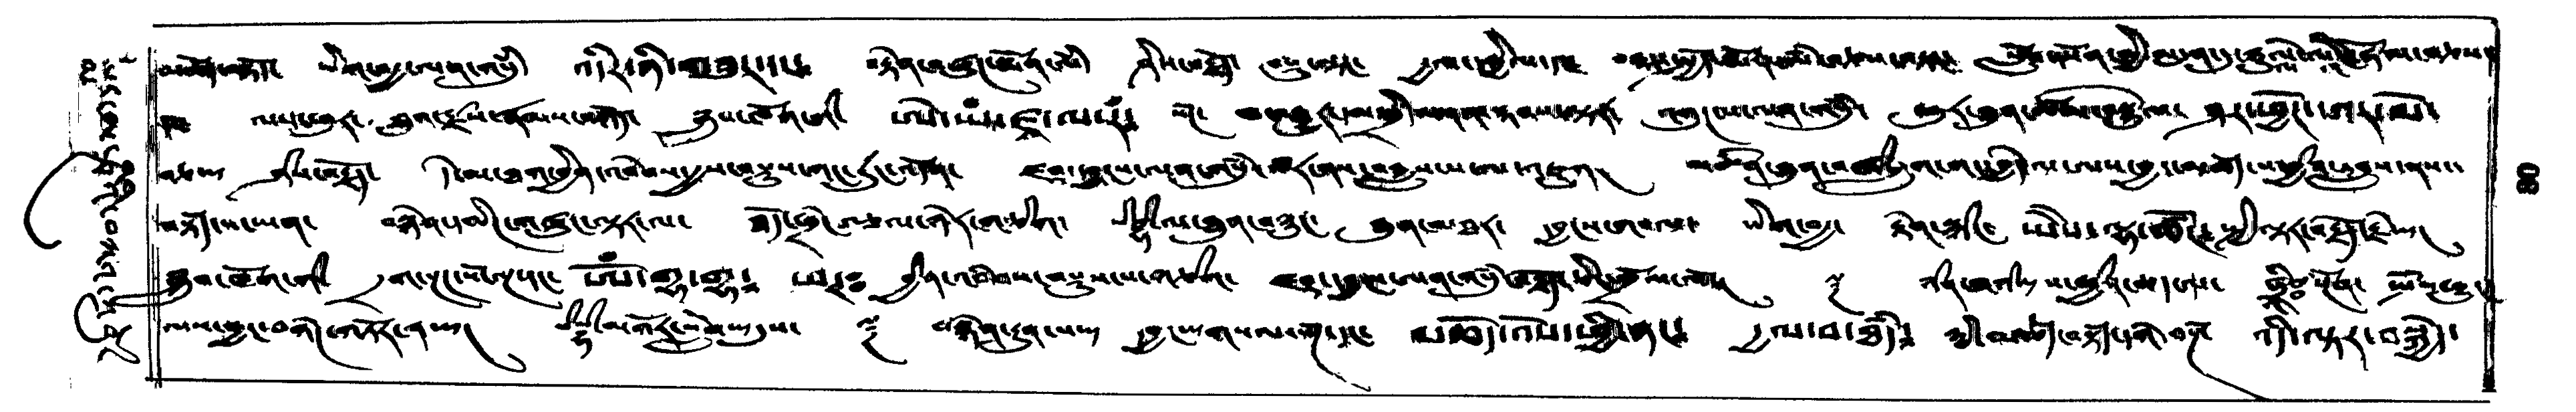མཆོད་བསྟོད། ཡིག་བརྒྱ་ལན་གསུམ། འདིར་ནི་གཟུགས་དང༴ བརྟན་བཞུགས་སྨོན་ལམ། ཤིས་བརྗོད། བསྡུ་ལྡང་། རྒྱལ་དཀྱིལ་དང་། བཟང་སྤྱོད་སྨོན་ལམ་བཅས་བཏང་། སློབ་དཔོན་གྱི་མདུན་དུ་ཉུལ་ལེའི་ཧོ་མ་བཅས་
དང་། ལས་ཕུར། ཐུན་རྫས་རྣམས་བཀོད། སྒྲུབ་ཁོག་ན་ནི། ཨེ་ཡཾ་ཛྭ་ལ་རཾ༴ སོགས། བསྒྱུར་དམ་སྲི་མནན་སྐབས་ལྟར། འགུགས་པ་ལན་གསུམ། ཕུར་ཐུན་ཚམ་བསྐུལ། ཤར་ཕྱོགས་དཀར་མོ། 
བཅས། ཤིས་བརྗོད། དེ་མ་ཐག་བྱིན་འབེབས་རྒྱས་བསྡུས་གང་རུང་འདོན། ཛབ་དབྱངས་ལན་གསུམ་ཚར་ནས་བཟླས་པ་ལ་འཇུག། མཚན་ཐུན་བཞི་དྲུག་གང་བྱེད་ལ་ལས་བྱང་མཆོད་པ་བྱིན་བརླབས་ནས་
བསྟོད་པ་ཡན། བསྙེན་དམིགས་གཞུང་ལྟར་ལ། ཐོད་ཕྲེང་རྩལ་ཉེར་གཅིག སིདྡྷི་ལ་ཐུན་བཟུང་། ཐུན་མཐར། དབྱངས་གསལ། ཡིག་བརྒྱ། རྟེན་སྙིང་། ཡེ་ཤེས་ལྷ་ཚོགས་སྤྱི་ལྟར་བརྗོད་རྗེས། 
སྒྲུབ་ཁོག་གི། དྲག་སྔགས་སོ་ལྔ་དང་། ཨོཾ་གྷ་གྷ༴ ཕཊཿ བྱིན་འབེབས་བསྡུས་པ་གཅིག ཛབ་དབྱངས་ལན་གསུམ་བརྗོད་ཅིང་གྲོལ་ལོ།། ༈ ཉིན་གཉིས་པ་ཕྱིན་ཆད་ལ། ཧྲཱིཿསྔོན། སྤོས་ཕྱུང་
ལས་བྱང་བགེགས་གཏོར་ནས། སིདྡྷི་འགོར་སླེབས་དུས། ༈ བསྙེན་རྒྱུན་པས། དབྱངས་གསལ་སོགས་དང་། མཆོད་འོས་ཕྱི་ནང༴ རྒྱལ་བ་ཐམས་ཅད༴ ཀྱི་མཆོད་བསྟོད་དགེ་བསྔོ། འདི་ལྟར་བསྐྱེད་